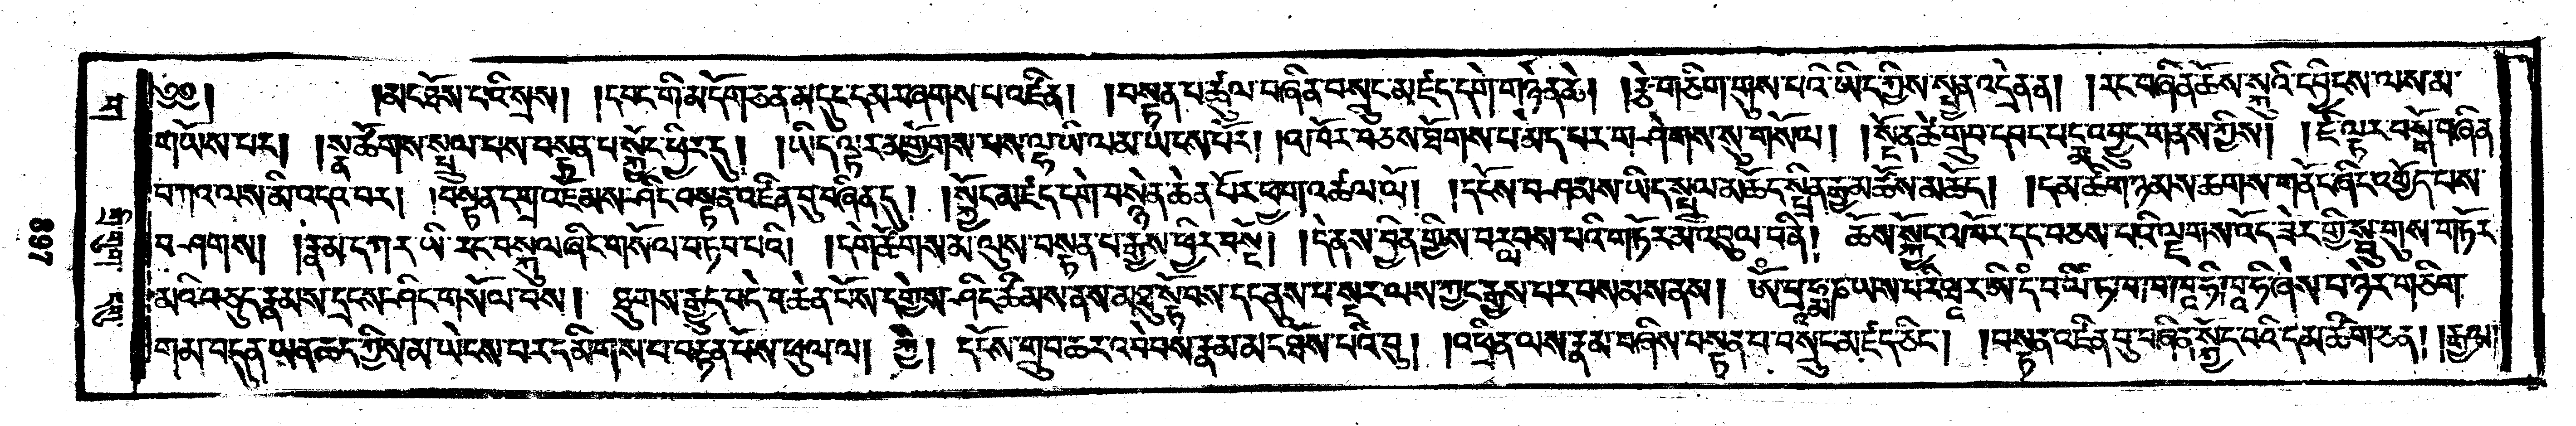༄༅། །མང་ཐོས་པའི་སྲས། །དབང་གི་མདོག་ཅན་མདུང་དམར་ཞགས་པ་འཛིན། །བསྟན་པ་ཚུལ་བཞིན་བསྲུང་མཛད་དགེ་གཉེན་ཆེ། །རྩེ་གཅིག་གུས་པའི་ཡིད་ཀྱིས་སྤྱན་འདྲེན་ན། །རང་བཞིན་ཆོས་སྐུའི་དབྱིངས་ལས་མ་
གཡོས་པར། །སྣ་ཚོགས་སྤྲུལ་པས་བསྟན་པ་སྐྱོང་ཕྱིར་དུ། །ཡིད་ལྟར་མགྱོགས་པས་ལྷ་ཡི་ལམ་ཡངས་པོར། །འཁོར་བཅས་ཐོགས་པ་མེད་པར་གཤེགས་སུ་གསོལ། །སྔོན་ཚེ་གྲུབ་དབང་པདམ་འབྱུང་གནས་ཀྱིས། །ཇི་ལྟར་བསྒོ་བཞིན་
བཀའ་ལས་མི་འདའ་བར། །བསྟན་དགྲ་འཇོམས་ཤིང་བསྟན་འཛིན་བུ་བཞིན་དུ། །སྐྱོང་མཛད་དགེ་བསྙེན་ཆེན་པོར་ཕྱག་འཚལ་ལོ། །དངོས་བཤམས་ཡིད་སྤྲུལ་མཆོད་སྤྲིན་རྒྱ་མཚོས་མཆོད། །དམ་ཚིག་ཉམས་ཆགས་གནོད་ཞིང་འགྱོད་པས་
བཤགས། །རྣམ་དཀར་ཡི་རང་བསྐུལ་ཞིང་གསོལ་བཏབ་པའི། །དགེ་ཚོགས་མ་ལུས་བསྟན་པ་རྒྱས་ཕྱིར་བསྔོ། །དེ་ནས་བྱིན་གྱིས་བརླབས་པའི་གཏོར་མ་འབུལ་བ་ནི། ཆོས་སྐྱོང་འཁོར་དང་བཅས་པའི་ལྗགས་འོད་ཟེར་གྱི་སྦུ་གུས་གཏོར་
མའི་བཅུད་རྣམས་དྲངས་ཤིང་གསོལ་བས། ཐུགས་རྒྱུད་བདེ་བ་ཆེན་པོས་དགྱེས་ཤིང་ཚིམས་ནས་མཐུ་སྟོབས་དང་ནུས་པ་སྔར་ལས་ཀྱང་རྒྱས་པར་བསམས་ནས། ཨོཾ་པྲ་ཧྨ་ཎ་ཡས་པ་རི་ཝཱ་ར་ཨི་དཾ་བ་ལིཾ་ཏ་ཁ་ཁ་ཁཱ་ཧི་ཁཱ་ཧི་ཞེས་པ་ཉེར་གཅིག་
གམ་བདུན་ཡན་ཆད་ཀྱིས་མ་ཡེངས་པར་དམིགས་པ་བརྟན་པོས་ཕུལ་ལ། ཀྱཻ། དངོས་གྲུབ་ཆར་འབེབས་རྣམ་མང་ཐོས་པའི་བུ། །འཕྲིན་ལས་རྣམ་བཞིས་བསྟན་པ་བསྲུང་མཛད་ཅིང་། །བསྟན་འཛིན་བུ་བཞིན་སྐྱོང་བའི་དམ་ཚིག་ཅན། །རྒྱལ།